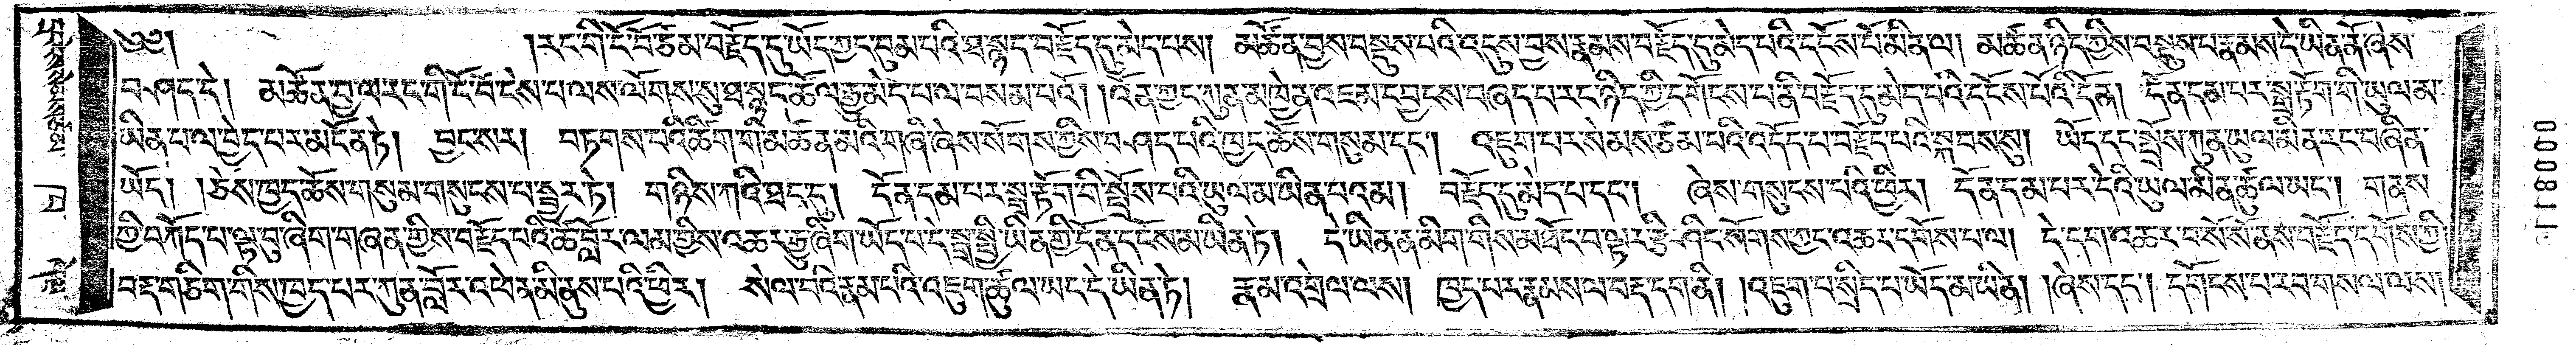༄༅། །རང་གི་ངོ་བོ་ཙམ་བརྗོད་དུ་ཡོད་ཀྱང་བུམ་པའི་ཐ་སྙད་བརྗོད་དུ་མེད་པས། མཚོན་བྱས་བསྡུས་པའི་འདུས་བྱས་རྣམས་བརྗོད་དུ་མེད་པའི་དངོས་པོ་མིན་ལ། མཚན་ཉིད་ཀྱིས་བསྡུས་པ་རྣམས་དེ་ཡིན་ནོ་ཞེས་
བཤད་དེ། མཚོན་བྱ་ལ་རང་གི་ངོ་བོ་ངེས་པ་ལས་ལོགས་སུ་ཐ་སྙད་ཚོལ་རྒྱུ་མེད་པ་ལ་བསམ་པའོ། །འོན་ཀྱང་ཀུན་མཁྱེན་འཇམ་དབྱངས་བཞད་པ་རང་ཉིད་ཀྱི་དགོངས་པ་ནི་བརྗོད་དུ་མེད་པའི་དངོས་པོའི་དོན། དོན་དམ་པར་སྒྲ་རྟོག་གི་ཡུལ་མ་
ཡིན་པ་ལ་བྱེད་པར་མངོན་ཏེ། བྱང་སར། བཏགས་པའི་ཚིག་གི་མཚན་མའི་གཞི་ཞེས་སོགས་ཀྱིས་བཤད་པའི་ཁྱད་ཆོས་གསུམ་དང་། འཇུག་པར་སེམས་ཙམ་པའི་འདོད་པ་བརྗོད་པའི་སྐབས་སུ། ཡོད་དང་སྤྲོས་ཀུན་ཡུལ་མིན་རང་བཞིན་
ཡོད། །ཅེས་ཁྱད་ཆོས་གསུམ་གསུངས་པ་སྦྱར་ཏེ། གཉིས་ཀའི་ཐད་དུ། དོན་དམ་པར་སྒྲ་རྟོག་གི་སྤྲོས་པའི་ཡུལ་མ་ཡིན་པའམ། བརྗོད་དུ་མེད་པ་དང་། ཞེས་གསུངས་པའི་ཕྱིར། དོན་དམ་པར་དེའི་ཡུལ་མིན་ཚུལ་ཡང་། གནས་
ཀྱི་བཀོད་པ་ལྟ་བུ་ཞིག་གཞན་གྱིས་བརྗོད་པའི་ཚེ་བློར་ལམ་གྱིས་འཆར་རྒྱུ་ཞིག་ཡོད་པ་དེ་སྒྲ་སྤྱི་ཡིན་གྱི་དོན་དངོས་མ་ཡིན་ཏེ། དེ་ཡིན་ན་མིག་གིས་མཐོང་བ་ལྟར་རྩི་ཤིང་སོགས་ཀྱང་འཆར་དགོས་པ་ལ། དེ་དག་འཆར་བ་སོ་སོ་ནས་བརྗོད་དགོས་ཀྱི།
བརྡ་གཅིག་གིས་ཁྱད་པར་ཀུན་བློར་འཕེན་མི་ནུས་པའི་ཕྱིར། སེལ་བའི་རྣམ་པའི་འཇུག་ཚུལ་ཡང་དེ་ཡིན་ཏེ། རྣམ་འགྲེལ་ལས། ཁྱད་པར་རྣམས་ལ་བརྡ་དག་ནི། །འཇུག་པ་སྲིད་པ་ཡོད་མ་ཡིན། །ཞེས་དང་། དགོངས་པ་རབ་གསལ་ལས།